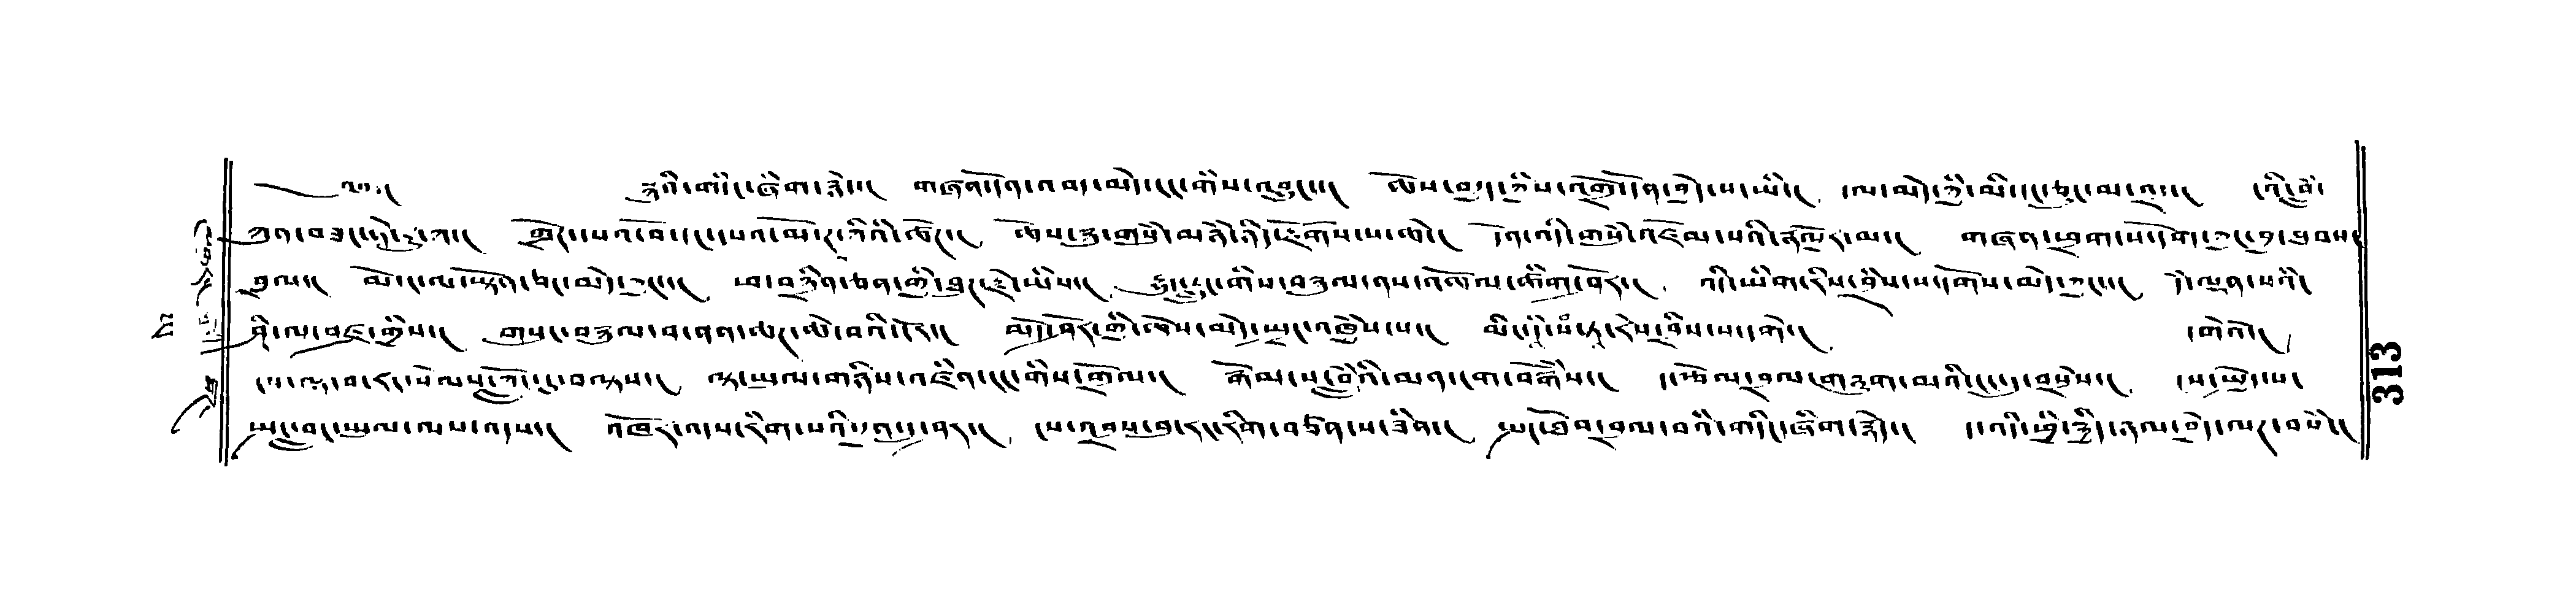སྐུའི་གདིང་ཞིག་རྙེད། །གཞན་དོན་འབད་མེད་ངང་གིས་འབྱུང་། །ཆོས་བརྒྱད་ཀྱིས་འགྲོ་དོན་བྱེད་པ་ཡི། །དལ་མེད་ཀྱི་མི་དང་ཅུང་མ་འདྲ། །ངའི་བླ་མ་
ཀུན་བཟང་ཧེ་རུ་ཀ །གྲོགས་དཔའ་བོ་དང་དཔའ་མོ་ཌཱ་ཀིའི་ཚོགས། །ཆོས་སྐུ་གསུམ་མཉམ་ཉིད་རྫོགས་པ་ཆེ། །དོན་འདི་གསུམ་འཛོམ་པའི་རྣལ་འབྱོར་མ། །གཞན་ཕྲག་པ་དོག་ཀྱང་བྱ་ཐབས་
བྲལ། །མོ་ང་ལ་ཡོན་ཏན་ཅང་མེད་ཀྱང་། །ཕ་བཀའ་དྲིན་ཅན་གྱི་ཐུགས་རྗེ་ཡིས། །རྒྱུ་རླུང་གིས་བསྐུལ་ནས་འཆོལ་ཚིག་ཤོར། །འདི་ཡིག་རིས་བྲིས་པ་དགོས་མེད་ཀྱང་། །དམ་ལྡན་པའི་
ཤི་ལ་བཛྲ་གྱིས། །གསུང་བསྐུལ་བ་ནན་ཆགས་ཆེ་བའི་ངོར། །མདོ་ཤོར་གྱི་ཆོས་མེད་སྤྲང་འཁྱམས་པ། །མིང་དཱི་པཾ་ཏཱ་རེས་བྲིས་པ་དགེ། དགེའོ།། 
ངས་ལྟ་བ་རང་སེམས་ཀློང་དུ་བལྟས། །ལྟ་ཡུལ་གཉིས་འཛིན་ངང་གིས་གྲོལ། །སྒོམ་པ་བླ་མའི་མན་ངག་བསྒོམས། །ད་རྩོལ་བྲལ་གཉུག་མའི་ངང་དུ་བསྲེས། །ངས་སྤྱོད་པ་
སྤང་བླང་ཡུལ་ལས་འདས། །འཁོར་འདས་རིག་པའི་རྒྱན་དུ་ཤར། །ངས་འབྲས་བུ་རང་རིག་བཙན་ས་ཟིན། །སྤང་ཐོབ་བྲལ་བའི་གདིང་ཞིག་རྙེད། །ད་འདི་ཕྱི་སྐྱིད་ཉལ་བྱེད་ལགས་བསམ།